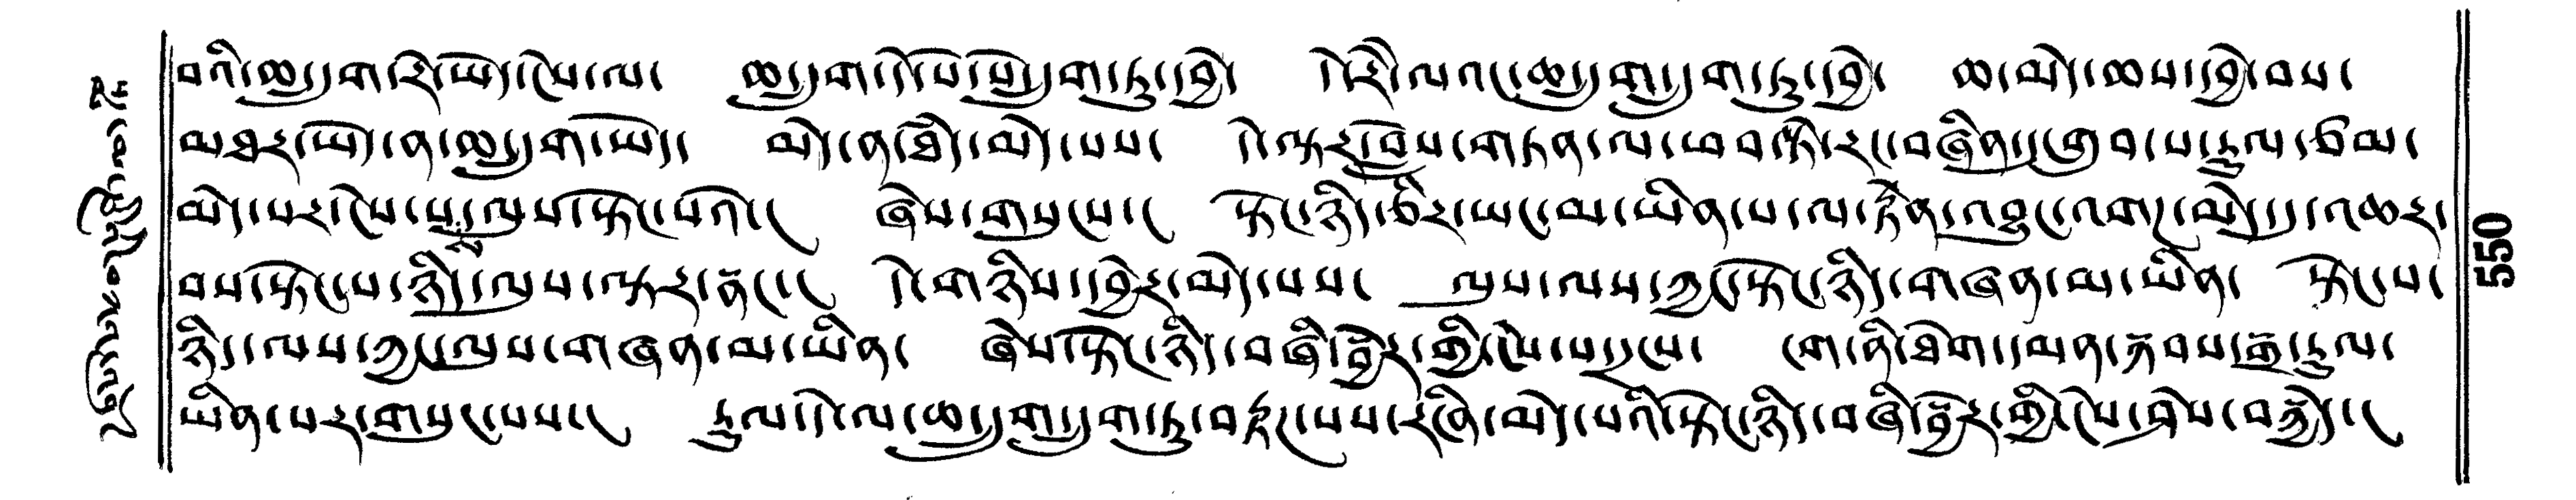བའི་ཆ་དྲུག་རེ་ཡོད་ངེས་ལ། ཆ་དྲུག་དེ་སོ་སོར་དྲུག་ཏུ་དབྱེ། དེ་རེ་རེ་ལའང་ཆ་དྲུག་དྲུག་ཏུ་དབྱེ། ཆ་མེད་ཆས་དབྱེ་བས། 
མཐར་ཡོད་ན་ཆ་དྲུག་ཡོད། མེད་ན་ཐམས་ཅད་མེད་པས། དེ་ལྟར་བློས་གཏན་ལ་ཕབས་སྟེ་རང་བཞིན་དུ་གྲུབ་པ་རྡུལ་ཙམ་
མེད་པར་ངེས་པས་ལུས་སྟོང་པའོ། ཞེས་གསུངས། སྟོང་ཉིད་ཅིར་ཡང་མ་ཡིན་པ་ལ་རྟེན་འབྱུང་འགག་མེད་དུ་འཆར་
བས་སྟོང་པ་ཉིད་ལུས་ལྟར་སྣང་། དེ་གཉིས་དབྱེར་མེད་པས། ལུས་ལས་ཀྱང་སྟོང་ཉིད་གཞན་མ་ཡིན། སྟོང་པ་
ཉིད་ལས་ཀྱང་ལུས་གཞན་མ་ཡིན། ཞེས་སྟོང་ཉིད་བཞི་སྦྱོར་གྱི་ངེས་པ་དྲང་། ངག་ནི་ཐེག་དམན་སྐབས་སྒྲ་རྡུལ་
ཡིན་པར་གསུངས་པས། རྡུལ་དེ་ལ་ཆ་དྲུག་དྲུག་ཏུ་བརྟགས་པས་རང་བཞིན་མེད་པའི་སྟོང་ཉིད་བཞི་སྦྱོར་གྱི་ངེས་ཤེས་བསྐྱེད།